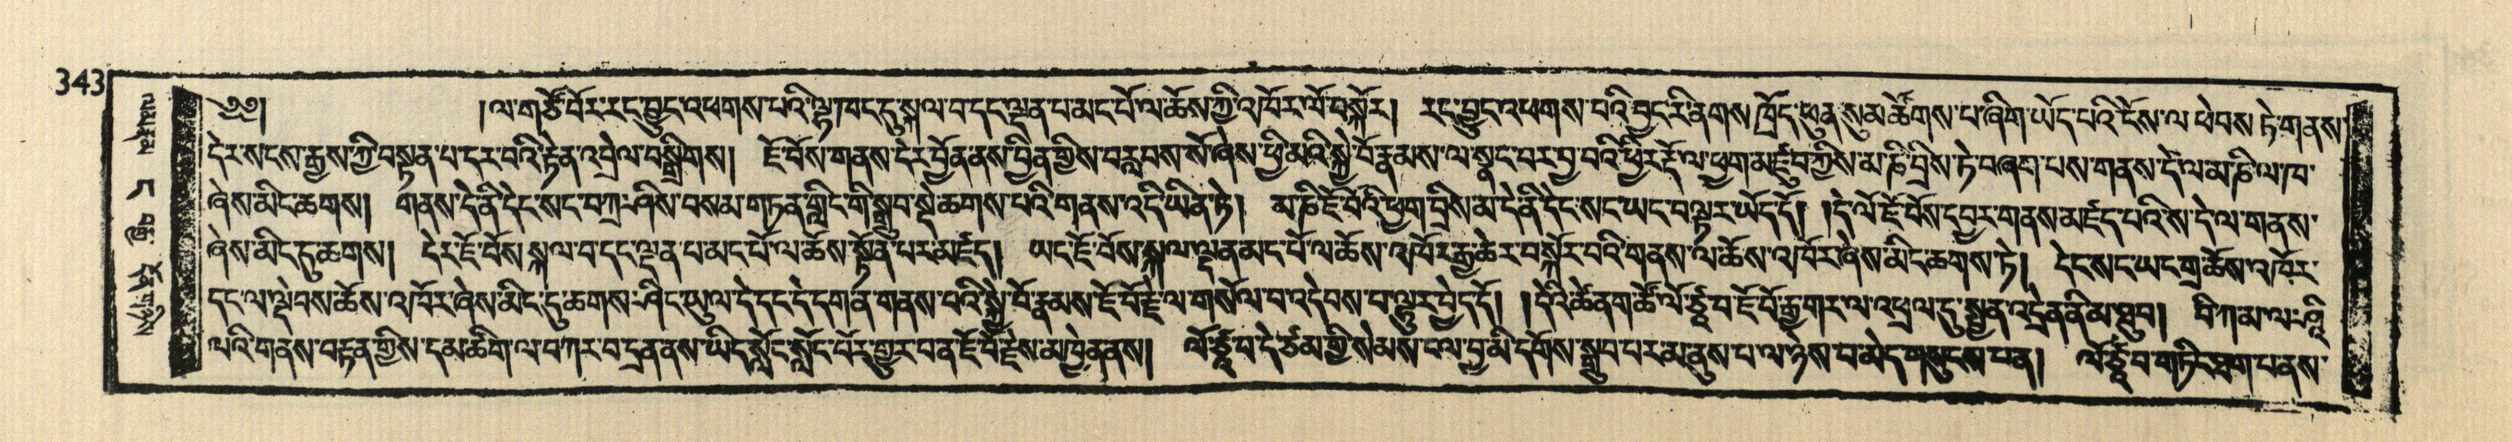༄༅། །ལ་གཙོ་བོར་རང་བྱུང་འཕགས་པའི་ལྷ་ཁང་དུ་སྐལ་བ་དང་ལྡན་པ་མང་པོ་ལ་ཆོས་ཀྱི་འཁོར་ལོ་བསྐོར། རང་བྱུང་འཕགས་པའི་བྱང་རི་ནགས་ཁྲོད་ཕུན་སུམ་ཚོགས་པ་ཞིག་ཡོད་པའི་ངོས་ལ་ཕེབས་ཏེ་གནས་
དེར་སངས་རྒྱས་ཀྱི་བསྟན་པ་དར་བའི་རྟེན་འབྲེལ་བསྒྲིགས། ཇོ་བོས་གནས་དེར་བྱོན་ནས་བྱིན་གྱིས་བརླབས་སོ་ཞེས་ཕྱི་མའི་སྐྱེ་བོ་རྣམས་ལ་སྣང་བར་བྱ་བའི་ཕྱིར་རྡོ་ལ་ཕྱག་མཛུབ་ཀྱིས་མ་ཎི་བྲིས་ཏེ་བཞག་པས་གནས་དེ་ལ་མ་ཎི་ལ་ཁ་
ཞེས་མིང་ཆགས། གནས་དེ་ནི་དེང་སང་བཀྲ་ཤིས་བསམ་གཏན་གླིང་གི་སྒྲུབ་སྡེ་ཆགས་པའི་གནས་འདི་ཡིན་ཏེ། མ་ཎི་ཇོ་བོའི་ཕྱག་བྲིས་མ་དེ་ནི་དེང་སང་ཡང་བལྟར་ཡོད་དོ། །དེ་ལོ་ཇོ་བོས་དབྱར་གནས་མཛད་པའི་ས་དེ་ལ་གནས་
ཞེས་མིང་དུ་ཆགས། དེར་ཇོ་བོས་སྐལ་བ་དང་ལྡན་པ་མང་པོ་ལ་ཆོས་སྟོན་པར་མཛད། ཡང་ཇོ་བོས་སྐལ་ལྡན་མང་པོ་ལ་ཆོས་འཁོར་རྒྱ་ཆེར་བསྐོར་བའི་གནས་ལ་ཆོས་འཁོར་ཞེས་མིང་ཆགས་ཏེ། དེང་སང་ཡང་གྲ་ཆོས་འཁོར་
དང་ལ་ལྡེབས་ཆོས་འཁོར་ཞེས་མིང་དུ་ཆགས་ཤིང་ཡུལ་དེ་དང་དེ་དག་ན་གནས་པའི་སྐྱེ་བོ་རྣམས་ཇོ་བོ་རྗེ་ལ་གསོལ་བ་འདེབས་པ་ལྷུར་བྱེད་དོ། །དེའི་ཚེ་ནག་ཚོ་ལོ་ཙཱ་བ་ཇོ་བོ་རྒྱ་གར་ལ་འཕྲལ་དུ་སྦྱན་འདྲེན་ནི་མ་ཐུབ། བི་ཀ་མ་ལ་ཤཱི་
ལའི་གནས་བརྟན་གྱིས་དམ་ཚིག་ལ་བཀར་བ་དྲན་ནས་ཡིད་སློང་སློང་པོར་གྱུར་བ་ན་ཇོ་བོ་རྗེས་མཁྱེན་ནས། ལོ་ཙཱ་བ་དེ་ཙམ་གྱི་སེམས་ངལ་བྱ་མི་དགོས་སྒྲུབ་པར་མ་ནུས་པ་ལ་ཉེས་པ་མེད་གསུངས་པ་ན། ལོ་ཙཱ་བ་གཏིང་ཐག་པ་ནས་